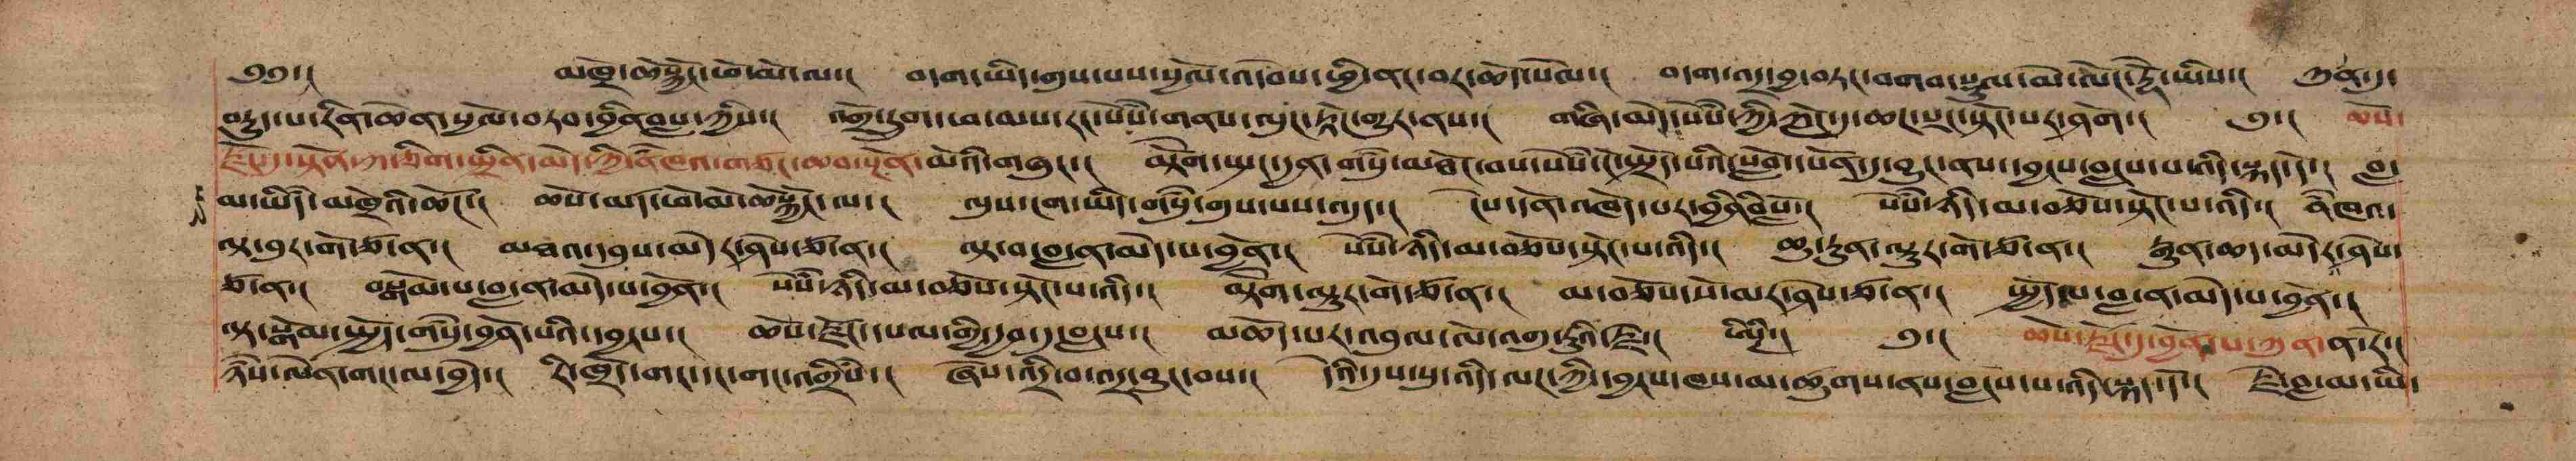༄༅་། མཁའ་འགྲོ་ཆོས་སྐྱོང་ཕོ་མོ་ལ། བདག་ཡིད་གུས་པས་གསོལ་འདེབས་ཕྱི་ནང་བར་ཆོད་སེལ། བདག་འདྲ་བྱ་བཏང་བགབ་སྡུལ་མེ་ལོང་རྡོ་རྗེ་ཡིས། ཀུན་དུ་
བརྒྱུད་པ་རིན་ཆེན་གསོལ་བཏབ་བྱིན་རླབས་ཀྱིས། འགྲོ་དྲུག་ཕ་མས་རང་སེམས་གནས་ལུགས་རྟོགས་གྱུར་ནས། གཞི་མེད་སེམས་ཀྱི་ཀློང་དུ་ཆགས་སྡང་སྟོང་པར་ཤོག།༄་། ཆོས་
རྫོང་སྟོན་ཀ་ཅིག་སྤྲིན་མེད་ཀྱི་ནམ་མཁའ་གཙང་ཆབ་སྔོན་མོའི་གཞུང་། མེ་ཏོག་སྤང་རྒྱན་གསུམ་མཐོང་བས་སེམས་ངོ་སྤྲོད་པའི་སློབ་དཔོན་དུ་བྱུང་ནས་དབྱངས་བླངས་པ་འདི་སྐད་དོ། བླ་
མ་ཡིད་དམ་མཁའ་འགྲོའི་ཚོགས། ཆོས་མཛད་ཕོ་མོ་ཆོས་སྐྱོང་ལ། ལུས་ངག་ཡིད་གསུམ་གུས་པས་འདུད། ངེས་དོན་འཁོད་པར་བྱིན་གྱིས་བརློབས། སེམས་ཉིད་མ་བཅོས་སྟོང་པ་འདི། ནམ་མཁའ་
ལྟ་བུས་གོ་ཙ་ན། མཐའ་དབུས་མེད་པར་ཤེས་ཙ་ན། ལྟ་བ་བླ་ན་མེད་པ་བྱོན། སེམས་ཉིད་མ་བཅོས་སྟོང་པ་འདི། ཆུ་རྒྱུན་ལྟ་བུར་གོ་ཙ་ན། རྒྱུན་ཆད་མེད་པར་ཤེས་
ཙ་ན། བསྒོམ་པ་བླ་ན་མེད་པ་བྱོན། སེམས་ཉིད་མ་བཅོས་སྟོང་པ་འདི། མེ་ཏོག་ལྟ་བུས་གོ་ཙ་ན། མ་བཅོས་སོ་མར་ཤེས་ཙ་ན། སྤྱོད་པ་བླ་ན་མེད་པ་བྱོན། 
ལྟ་སྒོམ་སྤྱོད་གསུམ་བྱོན་པའི་དབྱངས། ཆོས་རྫོང་དཔལ་གྱི་རྒྱབ་དུ་བླངས། མཆོད་པར་འབུལ་ལོ་འགུ་རུའི་རྗེ། ཨིཊི། ༄་། ཆོས་རྫོང་དུ་བྱོན་པ་ཀུན་ན་རེ། 
ཉམས་ལེན་གང་ལ་བྱེད། རི་ཁྲོད་གང་དང་གང་འགྲིམས། ཞེས་འདྲི་བ་འདྲ་བྱུང་བས། དེའི་དུས་སུ་འདི་ལང་ཀྱི་དབྱངས་ཁས་མ་ཚུགས་ནས་བླངས་པ་འདི་སྐད་དོ། རྗེ་བླ་མ་ཡི་